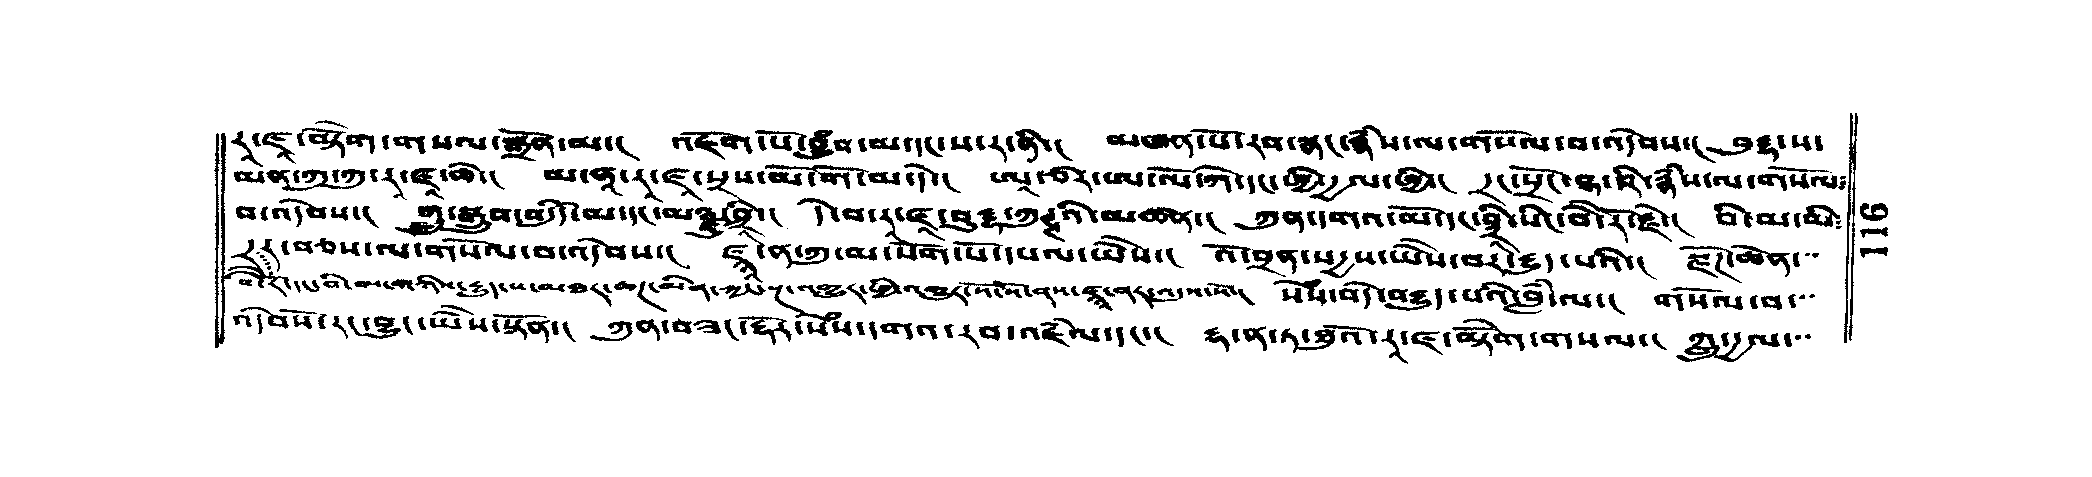རཱ་ཛཱ་མེ་ཏོག་གསལ་སྒྲོན་མ། །འཇོག་པོ་བྱང་ཆུབ་མ་དང་ས་ར་ནི། །མཁན་པོ་རབ་སྣང་རྣམས་ལ་གསོལ་བ་འདེབས། །བུདྡྷ་ས་
མན་ཀུ་ཀུ་རཱ་ཛཱ་ཆེ། །མ་ཧཱ་རཱ་ཛཱ་སྲས་མོ་གོ་མ་དེ། །ཨཱ་ཙར་ཨ་ལོ་ཀེ་དང་ཁྱི་རྒྱལ་ཕྱེ། །དྲང་སྲོང་བྷ་རི་རྣམས་ལ་གསོལ་
བ་འདེབས། །ཀླུ་སྒྲུབ་བདུད་རྩི་མ་དང་མཉྫུ་ཤྲཱི། །དེ་བ་རཱ་ཛཱ་བུདྡྷ་ཀུཊྚའི་མཚན། །ཀུན་དགའ་མོ་དང་ཤྲཱི་སིང་བཻ་རོ་རྗེ། །བི་མ་མི་
ཏྲ་{ བཻ་རོ་དང་བི་མ་གཉིས་རྒྱུད་པ་མཐར་ཆགས་མིན་ཀྱང་སྔ་འགྱུར་ཕྱི་འགྱུར་སོ་སོ་ནསགཉགས་་ཛྙཱ་ནར་འདུས་སོ། }བཅས་ལ་གསོལ་བ་འདེབས། །ཛྙཱ་ན་ཀུ་མར་སོག་པོ་དཔལ་ཡེ་ཤེས། །འོ་བྲན་སངས་རྒྱས་ཡེ་ཤེས་བར་རྒྱུད་པའི། །རྫོགས་ཆེན་
སེམས་སྡེ་བརྒྱུད་པའི་བླ་མ་ལ། །གསོལ་བ་
འདེབས་སོ་རང་བྱུང་ཡེ་ཤེས་སྟོན། །ཀུན་བཟང་རྡོར་སེམས་དགའ་རབ་འཇམ་དཔལ་དང་། དྷ་ན་ཏ་ལོ་རཱ་ཛ་མེ་ཏོག་གསལ། །ཀླུ་རྒྱལ་